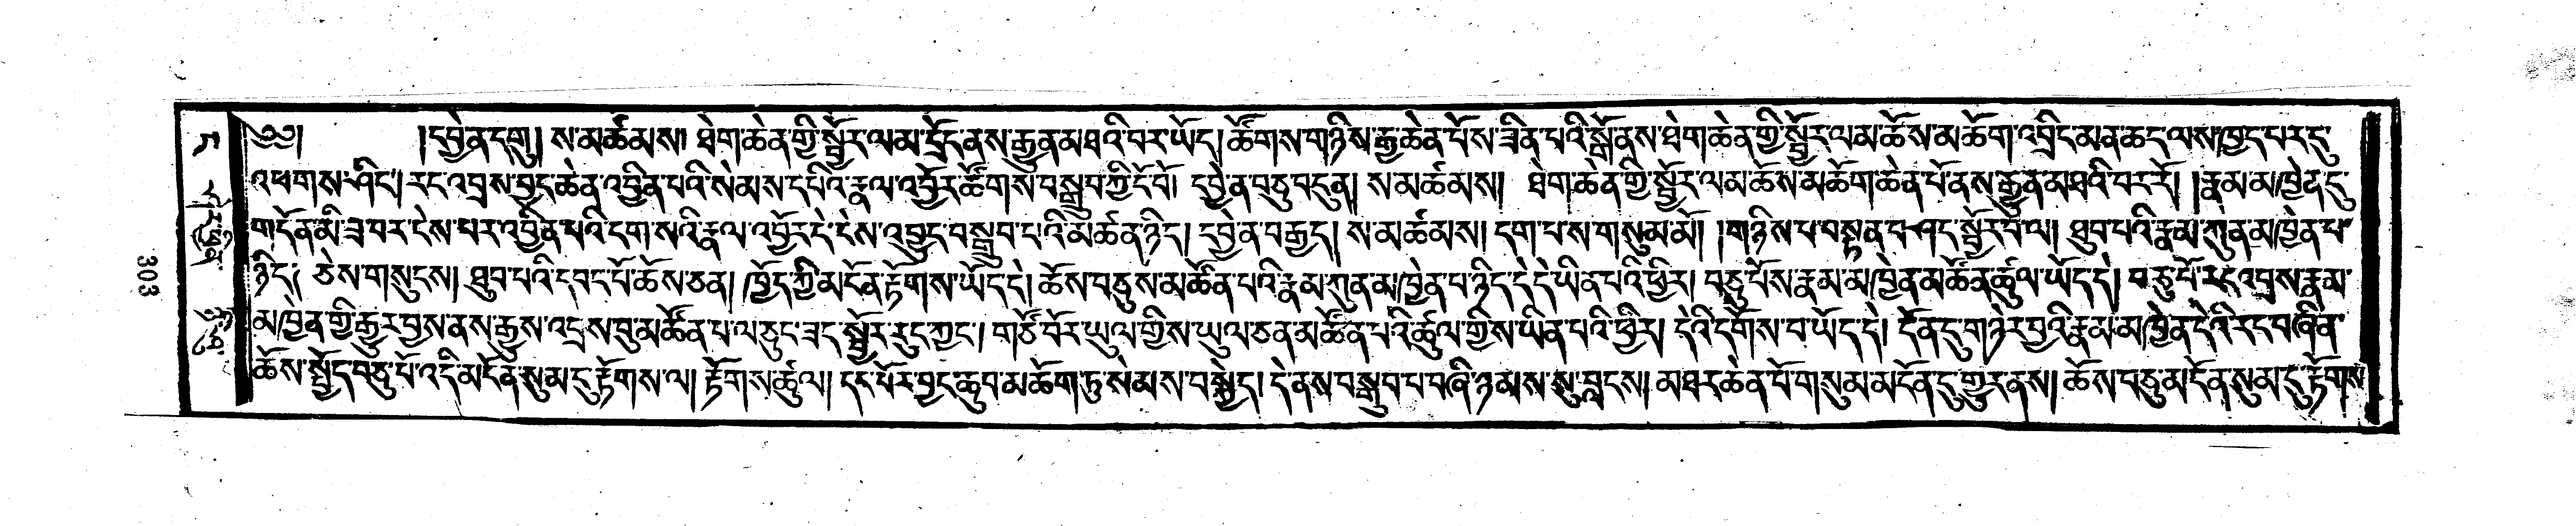༄༅། །དབྱེ་ན་དགུ། ས་མཚམས། ཐེག་ཆེན་གྱི་སྦྱོར་ལམ་དྲོད་ནས་རྒྱུན་མཐའི་བར་ཡོད། ཚོགས་གཉིས་རྒྱ་ཆེན་པོས་ཟིན་པའི་སྒོ་ནས་ཐེག་ཆེན་གྱི་སྦྱོར་ལམ་ཆོས་མཆོག་འབྲིང་མན་ཆད་ལས་ཁྱད་པར་དུ་
འཕགས་ཤིང་། རང་འབྲས་བྱང་ཆེན་འབྱིན་པའི་སེམས་དཔའི་རྣལ་འབྱོར་ཚོགས་བསྒྲུབ་ཀྱི་ངོ་བོ། དབྱེ་ན་བཅུ་བདུན། ས་མཚམས། ཐེག་ཆེན་གྱི་སྦྱོར་ལམ་ཆོས་མཆོག་ཆེན་པོ་ནས་རྒྱུན་མཐའི་བར་རོ། །རྣམ་མཁྱེན་དུ་
གདོན་མི་ཟ་བར་ངེས་པར་འབྱིན་པའི་དག་སའི་རྣལ་འབྱོར་དེ་ངེས་འབྱུང་བསྒྲུབ་པའི་མཚན་ཉིད། དབྱེ་ན་བརྒྱད། ས་མཚམས། དག་པ་ས་གསུམ་མོ། །གཉིས་པ་བསྟན་བཤད་སྦྱོར་བ་ལ། ཐུབ་པའི་རྣམ་ཀུན་མཁྱེན་པ་
ཉིད༑ ཅེས་གསུངས། ཐུབ་པའི་དབང་པོ་ཆོས་ཅན། ཁྱོད་ཀྱི་མངོན་རྟོགས་ཡོད་དེ། ཆོས་བཅུས་མཚོན་པའི་རྣམ་ཀུན་མཁྱེན་པ་ཉིད་དེ་དེ་ཡིན་པའི་ཕྱིར། བཅུ་པོས་རྣམ་མཁྱེན་མཚན་ཚུལ་ཡོད་དེ། བཅུ་པོ་རང་འབྲས་རྣམ་
མཁྱེན་གྱི་རྒྱུར་བྱས་ནས་རྒྱུས་འབྲས་བུ་མཚོན་པ་ལ་ཅུང་ཟད་སྦྱོར་རུང་ཀྱང་། གཙོ་བོར་ཡུལ་གྱིས་ཡུལ་ཅན་མཚོན་པའི་ཚུལ་གྱིས་ཡིན་པའི་ཕྱིར། དེའི་དགོས་པ་ཡོད་དེ། དོན་དུ་གཉེར་བྱའི་རྣམ་མཁྱེན་དེའི་རང་བཞིན་
ཆོས་སྤྱོད་བཅུ་པོ་འདི་མངོན་སུམ་དུ་རྟོགས་ལ། རྟོགས་ཚུལ། དང་པོར་བྱང་ཆུབ་མཆོག་ཏུ་སེམས་བསྐྱེད། དེ་ནས་བསྒྲུབ་པ་བཞི་ཉམས་སུ་བླངས། མཐར་ཆེན་པོ་གསུམ་མངོན་དུ་གྱུར་ནས། ཆོས་བཅུ་མངོན་སུམ་དུ་རྟོགས་